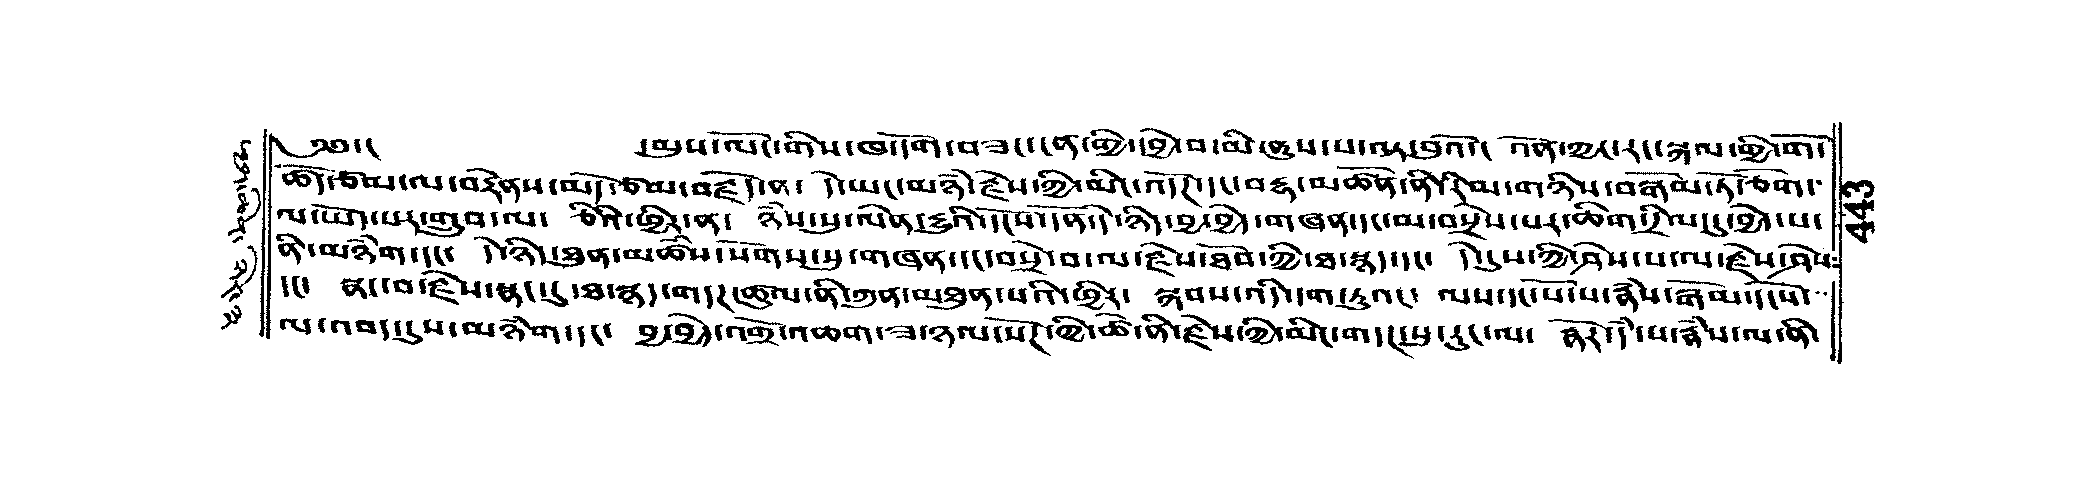དམུས་ལོང་གིས་ཁ་དོག་བཟང་ངན་གྱི་དབྱེ་བ་མི་ནུས་པ་ལྟ་བུའོ། འོན་ཀྱང་རང་སྐལ་གྱི་གོ་
ཚོད་ཙམ་ལ་བརྟེན་ནས་མདོ་ཙམ་བརྗོད་ན། དེ་ཡང་མཉམ་རྗེས་ཀྱི་མིང་འདོགས་དང་བརྡ་མཚོན་ནི་རིམ་གཉིས་བསྒོམ་ཏོ་ཅོག་
ལ་ཡོད་པར་གྲུབ་ལ། ཅིའི་ཕྱིར་ན། ཉམས་སུ་ལེན་རྒྱུའི་དངོས་དོན་དེ་ཉིད་བྱ་བྱེད་གཞན་དང་མ་བསྲེས་པར་ཆིག་དྲིལ་དུ་བྱེད་པ་
ནི་མཉམ་བཞག་དང་། དེ་ཉིད་ཐུན་མཚམས་སོགས་སུ་གཞན་དང་བསྲེ་བ་ལ་རྗེས་ཐོབ་ཀྱི་ཐ་སྙད་དང་། དེ་དུས་ཀྱི་ཤེས་པ་ལ་རྗེས་ཤེས་
དང་། སྣང་བ་ལ་རྗེས་སྣང་དུ་ཐ་སྙད་གདགས་ཚུལ་ནི་ཀུན་མཐུན་པའི་ཕྱིར། སྐབས་འདི་དག་ཏུའང་། ལས་དང་པོ་པ་རྣམས་སྒོམ་དངོས་
ལ་འབད་དུས་མཉམ་བཞག་དང་། བྱ་བྱེད་འགྲོ་འཆག་ཟ་ཉལ་སོགས་ཀྱི་ཚེ་ནི་རྗེས་ཀྱི་མིང་གདགས་སུ་རུང་ལ། རྣལ་འབྱོར་དམ་པ་རྣམས་ལ་ནི་